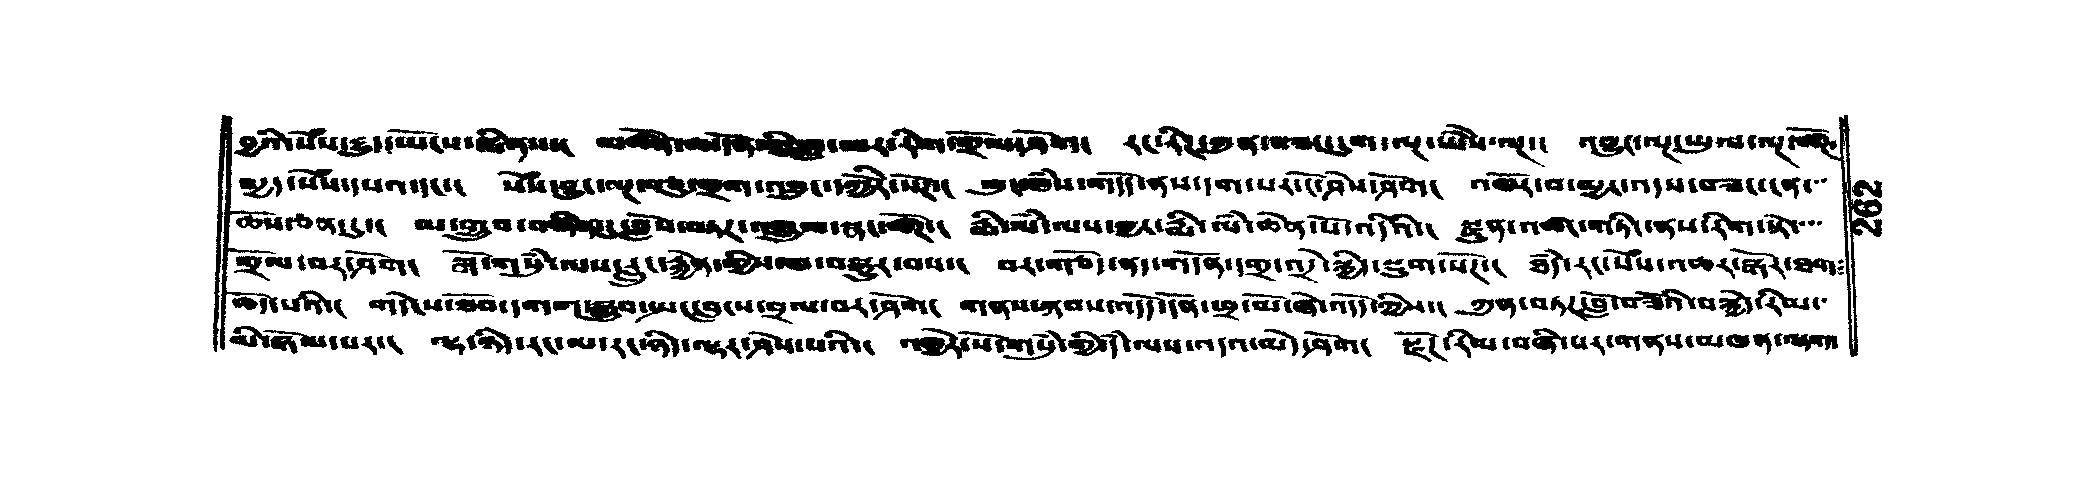བྱའི་སེམས་རྒྱུད་ཡོངས་སྨིན་ནས། །མཚོན་བྱ་དོན་གྱི་བླ་མར་རིག་གྲོལ་ཤོག །རང་རིག་ཀུན་བཟང་དུག་ལྔ་ཡེ་ཤེས་ལྔ། །འབྱུང་ལྔ་ཡུལ་ལྔ་ཚོགས་
བརྒྱད་སེམས་དཔའ་དང་། །སེམས་བྱུང་ལྔ་བཅུ་ཁྲག་འཐུང་དཀྱིལ་འཁོར་སོགས། །ཕུང་ཁམས་གདོད་ནས་དག་པར་ངོ་ཤེས་ཤོག །འཁོར་བ་མྱང་འདས་བཟང་ངན་
ཆོས་ཅན་དུ། །མ་གྲུབ་བཞིན་དུ་བློས་བཏགས་འཁྲུལ་སྣང་ཚོགས། །རྨི་ལམ་ལས་ཀྱང་རྨི་ལམ་ཆེན་པོ་འདིའི། །རྫུན་མཚང་གཏིང་ནས་རིག་སྟེ་
གྲོལ་བར་ཤོག །སྒོ་གསུམ་ལས་རླུང་རྐྱེན་གྱིས་ཁ་བསྒྱུར་བས། །བར་གཅོད་ནད་གདོན་དགྲ་འདྲེ་སྐྱིད་སྡུག་སོགས། །ཐམས་ཅད་རང་སེམས་འཆར་སྒོར་ཐག་
ཆོད་པའི། །གདེངས་ཐོབ་དགག་སྒྲུབ་སྤང་བླང་བྲལ་བར་ཤོག །གནས་སྐབས་འདོད་དོན་ཕྲ་མོ་ཞེ་འདོད་ཀྱིས། །ཀུན་བཏགས་བློ་བཟོའི་བསྐྱེད་རིམ་
མི་སྒོམ་པར། །ལྷ་ཉིད་རང་ལ་རང་ཉིད་ལྷར་ཤེས་པའི། །འཁྱེར་སོ་གསུམ་གྱི་དམ་ལས་འདའ་མེད་ཤོག །རྫོགས་རིམ་བཞི་པར་གནས་མཁན་ལྷག་